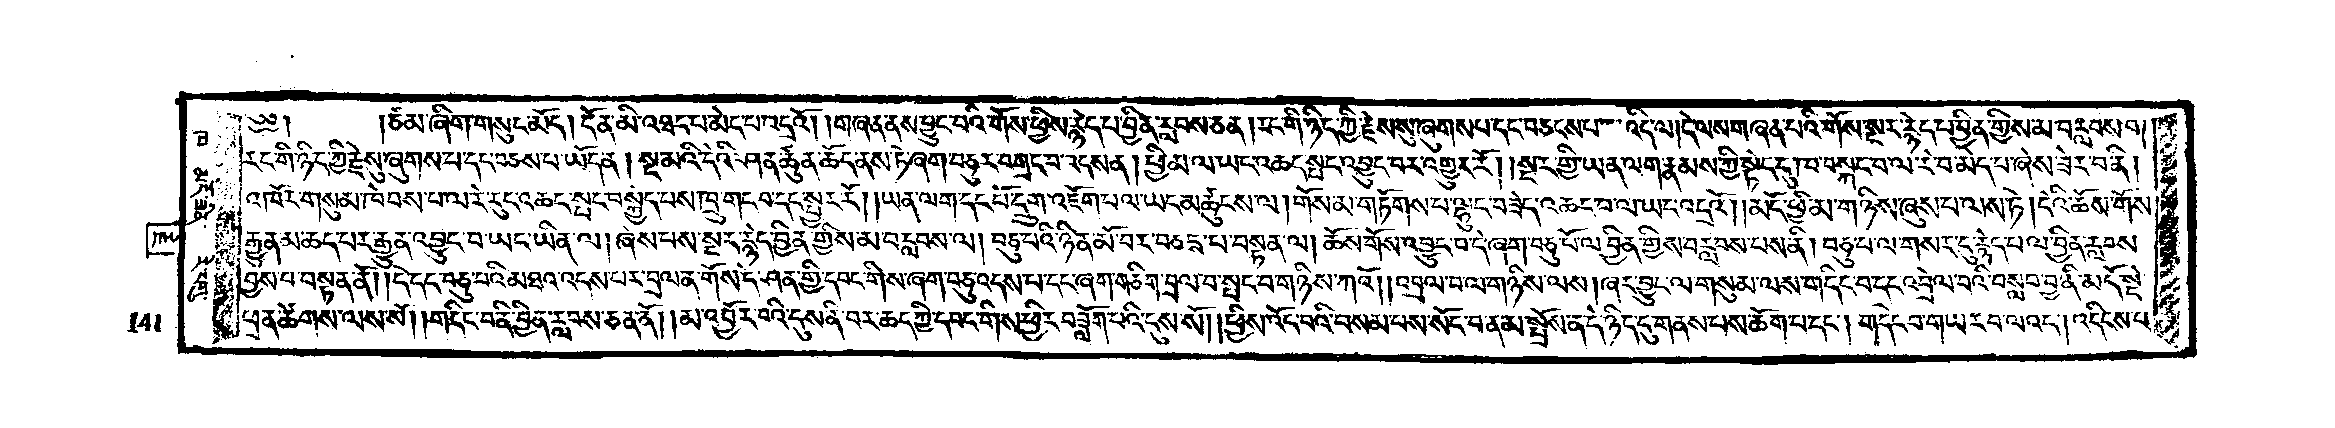༄༅། །ཙམ་ཞིག་གསུང་མོད། དོན་མི་འཐད་པ་མེད་པ་འདྲའོ། །གཞན་ནས་བྱུང་བའི་གོས་ཕྱིས་རྙེད་པ་བྱིན་རླབས་ཅན། རང་གི་ཉིད་ཀྱི་རྗེས་སུ་ཞུགས་པ་དང་བཅངས་པ་འདི་ལ། དེ་ལས་གཞན་པའི་གོས་སྔར་རྙེད་པ་བྱིན་གྱིས་མ་བརླབས་པ་
རང་གི་ཉིད་ཀྱི་རྗེས་སུ་ཞུགས་པ་དང་བཅས་པ་ཡོད་ན། སྔ་མའི་དེའི་ཤན་ཚུན་ཆོད་ནས་ཏེ་ཞག་བཅུར་བགྲང་བ་འདས་ན། ཕྱི་མ་ལ་ཡང་འཆད་སྤང་འབྱུང་བར་འགྱུར་རོ། །སྔར་གྱི་ཡན་ལག་རྣམས་ཀྱི་སྟེང་དུ་ཁ་བསྐང་བ་ལ་རེ་བ་མེད་པ་ཞེས་ཟེར་བ་ནི།
འཁོར་གསུམ་ཁེབས་པ་ལ་རེ་རུང་འཆང་སྤང་བསྐྱེད་པས་ཁྲུ་གང་བ་དང་སྦྱར་རོ། །ཡན་ལག་དང་པོ་དྲུག་འཇོག་པ་ལ་ཡང་མཚུངས་ལ། གོས་མ་གཏོགས་པ་ལྷུང་བཟེད་འཆང་བ་ལ་ཡང་འདྲའོ། །མདོ་ཕྱི་མ་གཉིས་ཞུས་པ་ལས་ཏེ། དེའི་ཆོས་གོས་
རྒྱུན་མ་ཆད་པར་རྒྱུན་འབྱུང་བ་ཡང་ཡིན་ལ། ཞེས་པས་སྔར་རྙེད་བྱིན་གྱིས་མ་བརླབས་ལ། བཅུ་པའི་ཉིན་མོ་བར་བཅངས་པ་བསྟན་ལ། ཆོས་གོས་འབྱུང་བ་དེ་ཞག་བཅུ་པོ་ལ་བྱིན་གྱིས་བརླབས་པས་ནི། བཅུ་པ་ལ་གསར་དུ་རྙེད་པ་ལ་བྱིན་རླབས་
བྱས་པ་བསྟན་ནོ། །དེ་དང་བཅུ་པའི་མཐའ་འདས་པར་བྲལ་ན་གོས་དེ་ཤན་གྱི་དབང་གིས་ཞག་བཅུ་འདས་པ་དང་ཞག་གཅིག་བྲལ་བ་སྤང་བ་གཉིས་ཀའོ། །འབྲལ་བ་ལ་གཉིས་ལས། ཞར་བྱུང་ལ་གསུམ་ལས་གཏིང་བ་དང་འགྲེལ་བའི་བསླབ་བྱ་ནི་མདོ་སྡེ་
ཕྲན་ཚེགས་ལས་སོ། །གདིང་བ་ནི་བྱིན་རླབས་ཅན་ནོ། །མ་འབྱོར་བའི་དུས་ནི་བར་ཆད་ཀྱི་དབང་གིས་ཕྱིར་བཟློག་པའི་དུས་སོ། །ཕྱིས་འོང་བའི་བསམ་པས་སོང་བ་ན་མ་སྤྲོས་ན་དེ་ཉིད་དུ་གནས་པས་ཆོག་པ་དང་། གདིང་བ་གཡར་བ་ལའང་། འདིངས་པ་